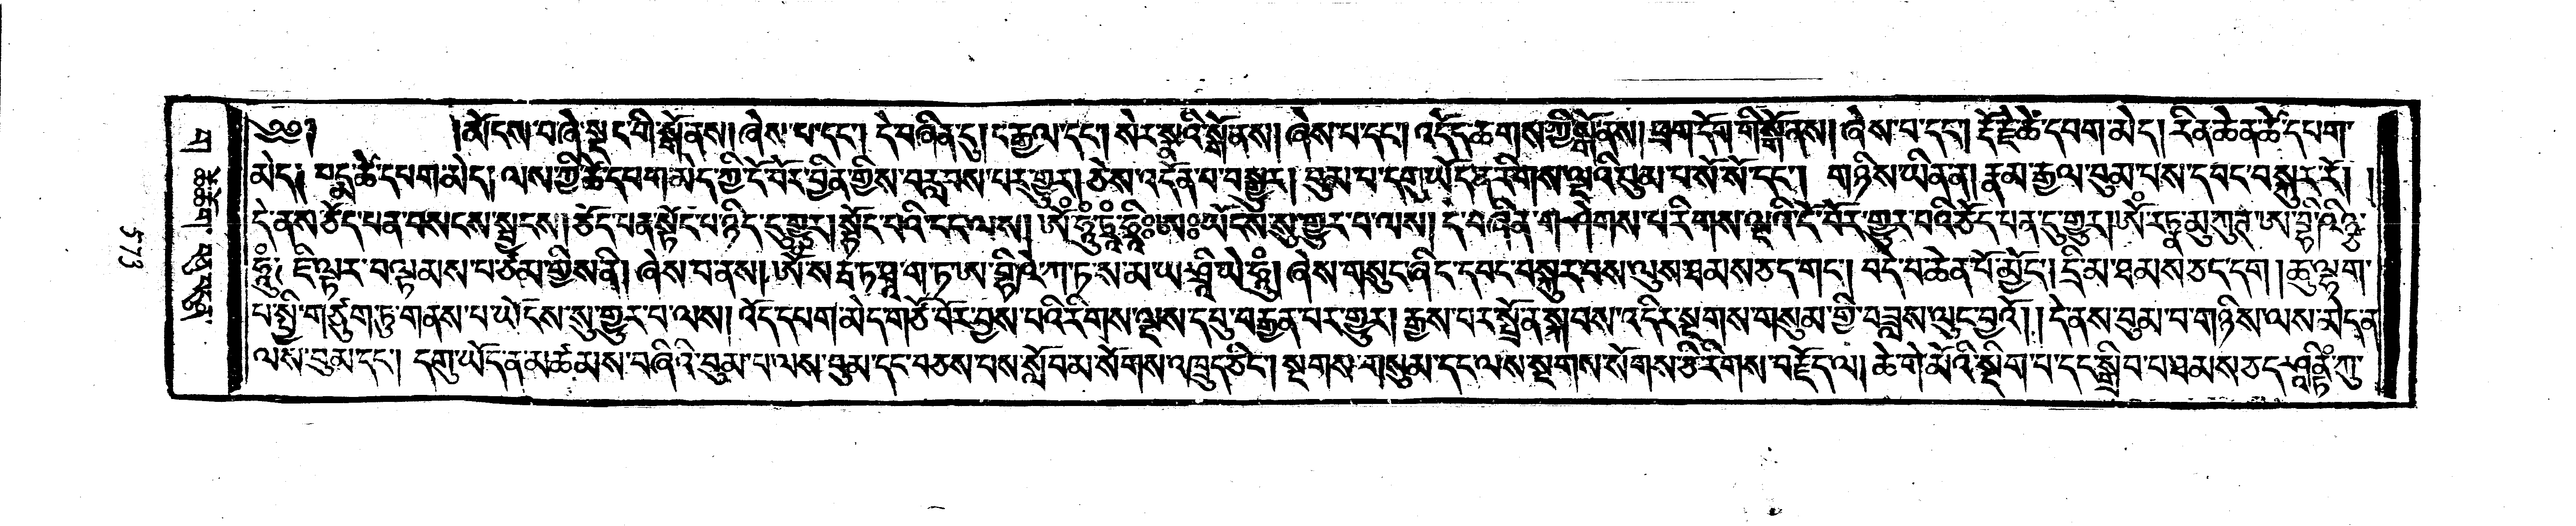༄༅། །མོངས་པ་ཞེ་སྡང་གི་སྒོ་ནས། ཞེས་པ་དང་། དེ་བཞིན་དུ། ང་རྒྱལ་དང་། སེར་སྣའི་སྒོ་ནས། ཞེས་པ་དང་། འདོད་ཆགས་ཀྱི་སྒོ་ནས། ཕྲག་དོག་གི་སྒོ་ནས། ཞེས་པ་དང་། རྡོ་རྗེ་ཚེ་དཔག་མེད། རིན་ཆེན་ཚེ་དཔག་
མེད། པདམ་ཚེ་དཔག་མེད། ལས་ཀྱི་ཚེ་དཔག་མེད་ཀྱི་ངོ་བོར་བྱིན་གྱིས་བརླབས་པར་གྱུར། ཅེས་འདོན་པ་བསྒྱུར། བུམ་པ་དགུ་ཡོད་ན་རིགས་ལྔའི་བུམ་པ་སོ་སོ་དང་། གཉིས་ཡིན་ན། རྣམ་རྒྱལ་བུམ་པས་དབང་བསྐུར་རོ། །
དེ་ནས་ཅོད་པན་བསངས་སྦྱངས། ཅོད་པན་སྟོང་པ་ཉིད་དུ་གྱུར། སྟོང་པའི་ངང་ལས། ཨོཾ་ཧཱུཾ་ཏྲཱཾ་ཧྲཱིཿ ཨཿ ཡོངས་སུ་གྱུར་པ་ལས། དེ་བཞིན་གཤེགས་པ་རིགས་ལྔའི་ངོ་བོར་གྱུར་པའི་ཅོད་པན་དུ་གྱུར། ཨོཾ་རཏྣ་མུ་ཀུ་ཊ་ཨ་བྷི་ཥིཉྩ་
ཧཱུཾ། ཇི་ལྟར་བལྟམས་པ་ཙམ་གྱིས་ནི། ཞེས་པ་ནས། ཨོཾ་སརྦ་ཏ་ཐཱ་ག་ཏ་ཨ་བྷི་ཥེ་ཀ་ཏ་ས་མ་ཡ་ཤྲཱི་ཡེ་ཧཱུཾ། ཞེས་གསུང་ཞིང་དབང་བསྐུར་བས་ལུས་ཐམས་ཅད་གང་། བདེ་བ་ཆེན་པོ་མྱོང་། དྲི་མ་ཐམས་ཅད་དག །ཆུ་ལྷག་
པ་སྤྱི་གཙུག་ཏུ་གནས་པ་ཡོངས་སུ་གྱུར་པ་ལས། འོད་དཔག་མེད་གཙོ་བོར་བྱས་པའི་རིགས་ལྔས་དབུ་བརྒྱན་པར་གྱུར། རྒྱས་པར་སྤྲོ་ན་སྐབས་འདིར་སྔགས་གསུམ་གྱི་བཟླས་ལུང་བྱའོ། །དེ་ནས་བུམ་པ་གཉིས་ལས་མེད་ན་
ལས་བུམ་དང་། དགུ་ཡོད་ན་མཚམས་བཞིའི་བུམ་པ་ལས་བུམ་དང་བཅས་པས་སློབ་མ་སོགས་འཁྲུད་ཅིང་། སྔགས་གསུམ་དང་ལས་སྔགས་སོགས་ཅི་རིགས་བརྗོད་ལ། ཆེ་གེ་མོའི་སྡིག་པ་དང་སྒྲིབ་པ་ཐམས་ཅད་ཤཱནྟིཾ་ཀུ་